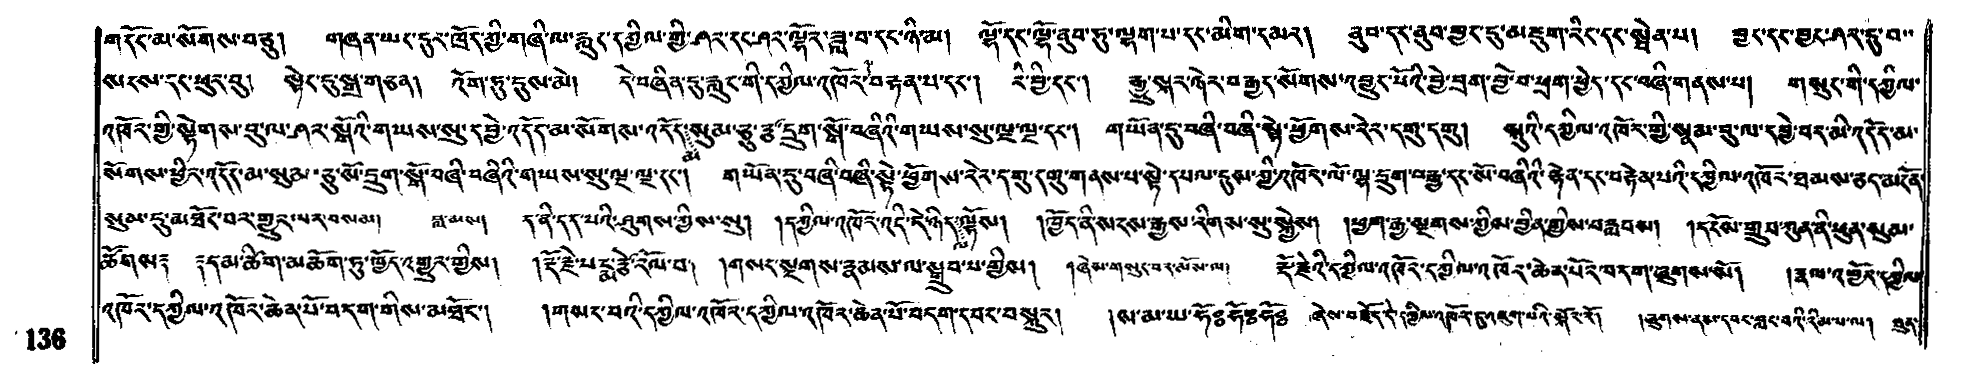གདོང་མ་སོགས་བཅུ། གཞན་ཡང་དུར་ཁྲོད་ཀྱི་གཞི་ལ་རླུང་དཀྱིལ་གྱི་ཤར་དང་ཤར་ལྷོར་ཟླ་བ་དང་ཉི་མ། ལྷོ་དང་ལྷོ་ནུབ་ཏུ་ལྷག་པ་དང་མིག་དམར། ནུབ་དང་ནུབ་བྱང་དུ་མཇུག་རིང་དང་སྦེན་པ། བྱང་དང་བྱང་ཤར་དུ་བ་
སངས་དང་ཕུར་བུ། སྟེང་དུ་སྒྲ་གཅན། འོག་ཏུ་དུས་མེ། དེ་བཞིན་དུ་རླུང་གི་དཀྱིལ་འཁོར་ལ་བརྟན་པ་དང་། རི་བྱི་དང་། རྒྱུ་སྐར་ཉེར་བརྒྱད་སོགས་འབྱུང་པོའི་བྱེ་བྲག་བྱེ་བ་ཕྲག་ཕྱེད་དང་བཞི་གནས་པ། གསུང་གི་དཀྱིལ་
འཁོར་གྱི་སྟེགས་བུ་ལ་ཤར་སྒོའི་གཡས་སུ་དབྱེ་འདོད་མ་སོགས་འདོད་མ་སུམ་ཅུ་རྩ་དྲུག་སྒོ་བཞིའི་གཡས་སུ་ལྔ་ལྔ་དང་། གཡོན་དུ་བཞི་བཞི་སྟེ་ཕྱོགས་རེར་དགུ་དགུ། སྐུའི་དཀྱིལ་འཁོར་གྱི་སྣམ་བུ་ལ་དབྱེ་བར་མི་འདོད་མ་
སོགས་ཕྱིར་འདོད་མ་སུམ་ཅུ་སོ་དྲུག་སྒོ་བཞི་བཞིའི་གཡས་སུ་ལྔ་ལྔ་དང་། གཡོན་དུ་བཞི་བཞི་སྟེ་ཕྱོགས་རེར་དགུ་དགུ་གནས་པ་སྟེ་དཔལ་དུས་ཀྱི་འཁོར་ལོ་ལྷ་དྲུག་བརྒྱ་དང་སོ་བཞིའི་རྟེན་དང་བརྟེན་པའི་དཀྱིལ་འཁོར་ཐམས་ཅད་མངོན་
སུམ་དུ་མཐོང་བར་གྱུར་པར་བསམ། བླ་མས།  ད་ནི་དད་པའི་ཤུགས་ཀྱིས་སུ། །དཀྱིལ་འཁོར་འདི་དེ་ཉིད་ལ་ལྟོས། །ཁྱོད་ནི་སངས་རྒྱས་རིགས་སུ་སྐྱེས། །ཕྱག་རྒྱ་སྔགས་ཀྱིས་བྱིན་གྱིས་བརླབས། །དངོས་གྲུབ་ཀུན་ནི་ཕུན་སུམ་
ཚོགས༑ ༑དམ་ཚིག་མཆོག་ཏུ་ཁྱོད་འགྱུར་གྱིས། །རྡོ་རྗེ་པདམ་རྩེ་རོལ་བ། །གསང་སྔགས་རྣམས་ལ་སྒྲུབ་པ་གྱིས། ། ཞེས་གསུང་བར་མོས་ལ།  རྡོ་རྗེའི་དཀྱིལ་འཁོར་དཀྱིལ་འཁོར་ཆེན་པོར་བདག་ཞུགས་སོ། །རྣལ་འབྱོར་དཀྱིལ་
འཁོར་དཀྱིལ་འཁོར་ཆེན་པོ་བདག་གིས་མཐོང་། །གསང་བའི་དཀྱིལ་འཁོར་དཀྱིལ་འཁོར་ཆེན་པོ་བདག་དབང་བསྐུར། །ས་མ་ཡ་ཧོཿ ཧོཿ ཧོཿ ཞེས་བརྗོད་དེ་དཀྱིལ་འཁོར་དུ་འཇུག་པའི་སྐོར་རོ། །ཞུགས་ནས་དབང་བླང་བའི་རིམ་པ་ལ། ཐུན་